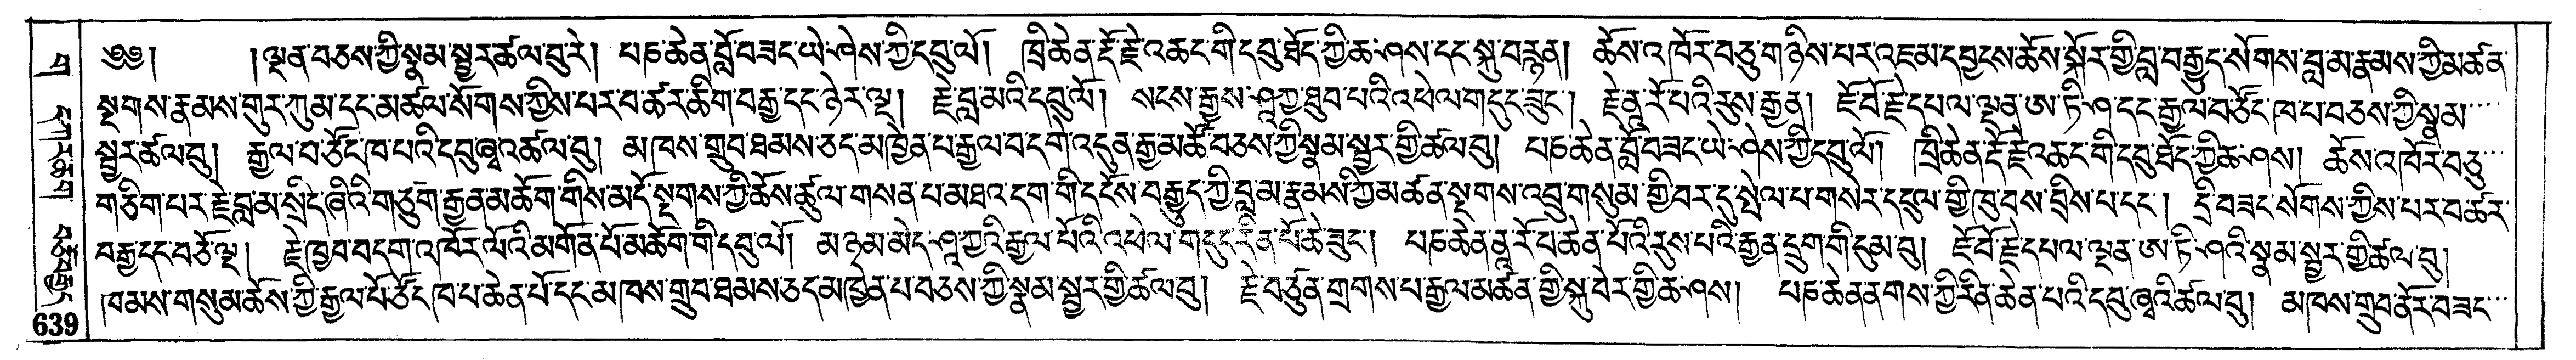༄༅། །ལྡན་བཅས་ཀྱི་སྣམ་སྦྱར་ཚལ་བུ་རེ། པཎ་ཆེན་བློ་བཟང་ཡེ་ཤེས་ཀྱི་དབུ་ལོ། ཁྲི་ཆེན་རྡོ་རྗེ་འཆང་གི་དབུ་ཐོད་ཀྱི་ཆ་ཤས་དང་སྐུ་བརྙན། ཆོས་འཁོར་བཅུ་གཉིས་པར་འཇམ་དབྱངས་ཆོས་སྐོར་གྱི་བླ་བརྒྱུད་སོགས་བླ་མ་རྣམས་ཀྱི་མཚན་
སྔགས་རྣམས་གུར་ཀུམ་དང་མཚལ་སོགས་ཀྱིས་པར་བ་ཚར་ཆིག་བརྒྱ་དང་ཉེར་ལྔ། རྗེ་བླ་མའི་དབུ་ལོ། སངས་རྒྱས་ཤཱཀྱ་ཐུབ་པའི་འཕེལ་གདུང་ཟུང་། རྗེ་ནཱ་རོ་པའི་རུས་རྒྱན། ཇོ་བོ་རྗེ་དཔལ་ལྡན་ཨ་ཏི་ཤ་དང་རྒྱལ་བ་ཙོང་ཁ་པ་བཅས་ཀྱི་སྣམ་
སྦྱར་ཚལ་བུ། རྒྱལ་བ་ཙོང་ཁ་པའི་དབུ་ཞྭའི་ཚལ་བུ། མཁས་གྲུབ་ཐམས་ཅད་མཁྱེན་པ་རྒྱལ་བ་དགེ་འདུན་རྒྱ་མཚོ་བཅས་ཀྱི་སྣམ་སྦྱར་གྱི་ཚལ་བུ། པཎ་ཆེན་བློ་བཟང་ཡེ་ཤེས་ཀྱི་དབུ་ལོ། ཁྲི་ཆེན་རྡོ་རྗེ་འཆང་གི་དབུ་ཐོད་ཀྱི་ཆ་ཤས། ཆོས་འཁོར་བཅུ་
གཅིག་པར་རྗེ་བླ་མ་སྲིད་ཞིའི་གཙུག་རྒྱན་མཆོག་གིས་མདོ་སྔགས་ཀྱི་ཆོས་ཚུལ་གསན་པ་མཐའ་དག་གི་དངོས་བརྒྱུད་ཀྱི་བླ་མ་རྣམས་ཀྱི་མཚན་སྔགས་འབྲུ་གསུམ་གྱི་བར་དུ་སྤེལ་པ་གསེར་དངུལ་གྱི་ཁུ་བས་བྲིས་པ་དང་། དྲི་བཟང་སོགས་ཀྱིས་པར་བ་ཚར་
བརྒྱ་དང་བཅོ་ལྔ། རྗེ་ཁྱབ་བདག་འཁོར་ལོའི་མགོན་པོ་མཆོག་གི་དབུ་ལོ། མཉམ་མེད་ཤཱཀྱའི་རྒྱལ་པོའི་འཕེལ་གདུང་རིན་པོ་ཆེ་ཟུང་། པཎ་ཆེན་ནཱ་རོ་པ་ཆེན་པོའི་རུས་པའི་རྒྱན་དྲུག་གི་དུམ་བུ། ཇོ་པོ་རྗེ་དཔལ་ལྡན་ཨ་ཏི་ཤའི་སྣམ་སྦྱར་གྱི་ཚལ་བུ།
ཁམས་གསུམ་ཆོས་ཀྱི་རྒྱལ་པོ་ཙོང་ཁ་པ་ཆེན་པོ་དང་མཁས་གྲུབ་ཐམས་ཅད་མཁྱེན་པ་བཅས་ཀྱི་སྣམ་སྦྱར་གྱི་ཚལ་བུ། རྗེ་བཙུན་གྲགས་པ་རྒྱལ་མཚན་གྱི་སྐུ་བེར་གྱི་ཆ་ཤས། པཎ་ཆེན་ནགས་ཀྱི་རིན་ཆེན་པའི་དབུ་ཞྭཱི་ཚལ་བུ། མཁས་གྲུབ་ནོར་བཟང་